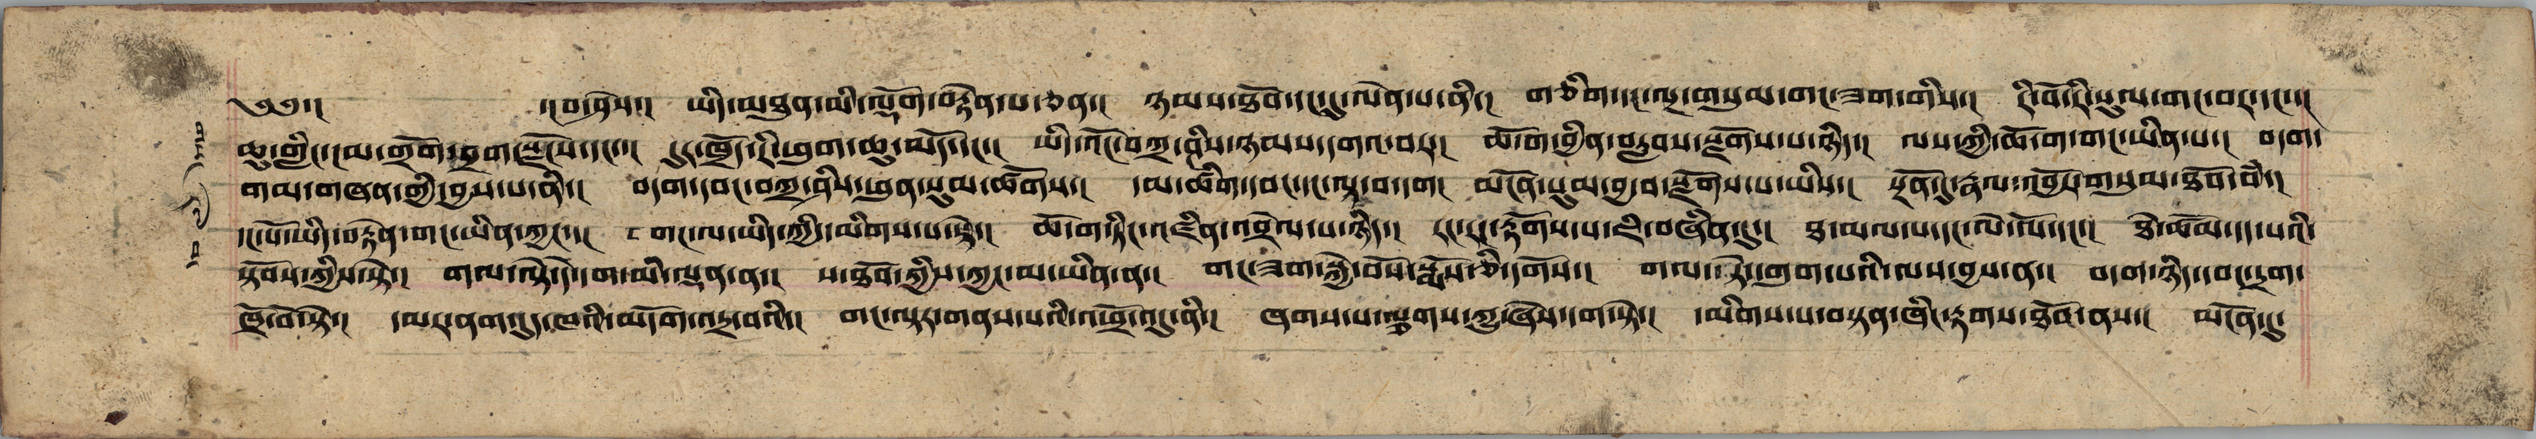༄༅་། ་།པ་ཤེས་། ཡིད་མཐུན་མི་ལྡོག་བརྟེན་པ་ཅན་། ཉམས་ཐོབ་དང་དུ་ལེན་པ་ནི་། གཅིག་དང་ལྔ་གསུམ་གང་ཟག་གིས་། རི་བོ་རི་སུལ་གང་བར་དང་་།
ཆུ་གླིང་ངམ་གྲོག་བྲག་སྫོངས་དང་་། དུར་ཁྲོད་རི་ཕུག་ཆུ་མདོ་དང་། ཡིད་འོང་བཀྲ་ཤིས་ཉམས་དགའ་བར་། ཆོ་ག་བྱིན་བརླབས་སྫོགས་པ་ཉིད་། ལས་ཀྱི་ཆོ་ག་གང་ཡིན་པ་། བདག་
གམ་གཞན་གྱི་བྱས་པ་ནི་། བདག་དབང་བཀྲ་ཤིས་ཕུན་སུམ་ཚོགས་། དམ་ཚིག་དབང་དང་ལྟ་བ་དག། མངོན་སུམ་བྱ་བ་སྫོགས་པ་ཡིས་། སྔོན་དུ་རྣལ་འབྱོར་གསུམ་ཐོབ་བཾ་།
དང་པོ་ཡིད་བརྟེན་གང་ཡིན་ཀྱང་་། གང་ལ་ཡིད་ཀྱི་དམིགས་པ་སྟེ་། ཆོ་ག་ཏིང་འཛིན་འབྲེལ་པ་ཉིད་། རང་རང་རྟོགས་པ་ཇི་བཞིན་དུ་། ཐ་མལ་པ་དང་ལེ་ལོ་དང་། ཐེ་ཚོམ་དད་པའི་
སྟོབས་ཀྱིས་སྟེ་། གལ་ལྟེ་དེ་དག་མི་ལྡན་ན་། ས་ཐོབ་ཀྱིས་ཀྱང་མ་ཡིན་ན་། གང་ཟག་སྐྱེ་བོས་སྨོས་ཅི་དགོས་། གལ་ཏེ་དགུག་པའི་ལས་བྱས་ན་། བདག་ཉིད་དབང་དྲག་
ཁྲོ་བོ་སྟེ་། དམར་ནག་དུད་ཁའི་མདོག་འདྲ་བའི་། གང་ལྟར་གནས་པའི་འཕྲོ་འདུ་ནི་། ཞགས་པ་ལྕགས་ཀྱུ་ཞེས་དག་སྟེ་། དམིགས་པ་བསྟན་ཞིང་རྟགས་ཐོབ་ནས་། མངོན་དུ་